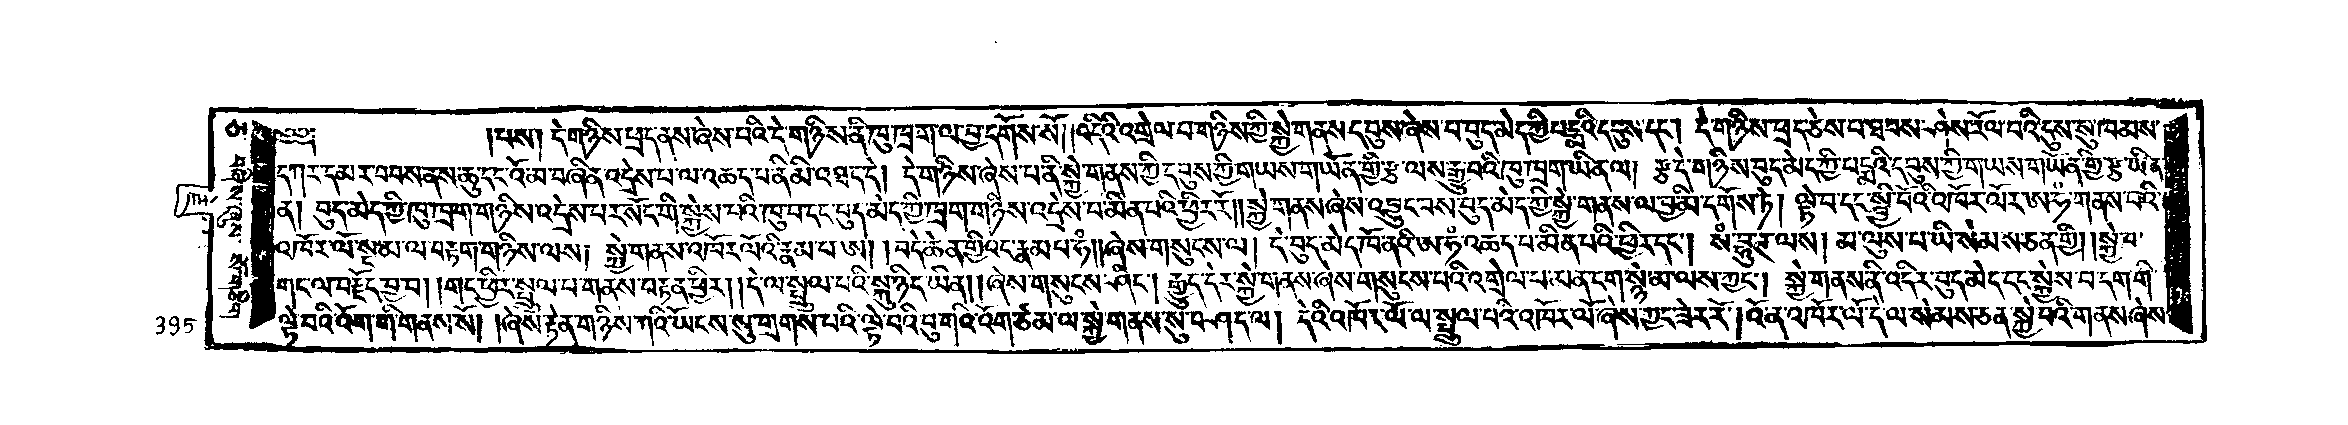༄༅། །པས། དེ་གཉིས་ཕྲད་ནས་ཞེས་པའི་དེ་གཉིས་ནི་ཁུ་ཁྲག་ལ་བྱ་དགོས་སོ། །འདིའི་འགྲེལ་པ་གཉིས་ཀྱི་སྐྱེ་གནས་དབུས་ཞེས་པ་བུད་མེད་ཀྱི་པདམའི་དབུས་དང་། དེ་གཉིས་ཕྲད་ཅེས་པ་ཐབས་ཤེས་རོལ་པའི་དུས་སུ་ཁམས་
དཀར་དམར་བབས་ནས་ཆུ་དང་འོ་མ་བཞིན་འདྲེས་པ་ལ་འཆད་པ་ནི་མི་འཐད་དེ། དེ་གཉིས་ཞེས་པ་ནི་སྐྱེ་གནས་ཀྱི་དབུས་ཀྱི་གཡས་གཡོན་གྱི་རྩ་ལས་རྒྱུ་བའི་ཁུ་ཁྲག་ཡིན་ལ། རྩ་དེ་གཉིས་བུད་མེད་ཀྱི་པདམའི་དབུས་ཀྱི་གཡས་གཡོན་གྱི་རྩ་ཡིན་
ན། བུད་མེད་ཀྱི་ཁུ་ཁྲག་གཉིས་འདྲེས་པར་སོང་གི་སྐྱེས་པའི་ཁུ་བ་དང་བུད་མེད་ཀྱི་ཁྲག་གཉིས་འདྲེས་པ་མིན་པའི་ཕྱིར་རོ། །སྐྱེ་གནས་ཞེས་འབྱུང་བས་བུད་མེད་ཀྱི་སྐྱེ་གནས་ལ་བྱ་མི་དགོས་ཏེ། ལྟེ་བ་དང་སྤྱི་བོའི་འཁོར་ལོར་ཨ་ཧཾ་གནས་པའི་
འཁོར་ལོ་སྔ་མ་ལ་བརྟག་གཉིས་ལས། སྐྱེ་གནས་འཁོར་ལོའི་རྣམ་པ་ཨ། །བདེ་ཆེན་གྱིའང་རྣམ་པ་ཧཾ། །ཞེས་གསུངས་ལ། དེ་བུད་མེད་ཁོ་ནའི་ཨ་ཧཾ་འཆད་པ་མིན་པའི་ཕྱིར་དང་། སཾ་བཧུ་ཊ་ལས། མ་ལུས་པ་ཡི་སེམས་ཅན་གྱི། །སྐྱེ་བ་
གང་ལ་བརྗོད་བྱ་བ། །གང་ཕྱིར་སྤྲུལ་པ་གནས་བརྟན་ཕྱིར། །དེ་ལ་སྤྲུལ་པའི་སྐུ་ཉིད་ཡིན། །ཞེས་གསུངས་ཤིང་། རྒྱུད་དེར་སྐྱེ་གནས་ཞེས་གསུངས་པའི་འགྲེལ་པ་མན་ངག་སྙེ་མ་ལས་ཀྱང་། སྐྱེ་གནས་ནི་འདིར་བུད་མེད་དང་སྐྱེས་པ་དག་གི་
ལྟེ་བའི་འོག་གི་གནས་སོ། །ཞེས་རྟེན་གཉིས་ཀའི་ཡོངས་སུ་གྲགས་པའི་ལྟེ་བའི་བུ་གའི་འོག་ཙམ་ལ་སྐྱེ་གནས་སུ་བཤད་ལ། དེའི་འཁོར་ལོ་ལ་སྤྲུལ་པའི་འཁོར་ལོ་ཞེས་ཀྱང་ཟེར་རོ། འོ་ན་འཁོར་ལོ་དེ་ལ་སེམས་ཅན་སྐྱེ་བའི་གནས་ཞེས་